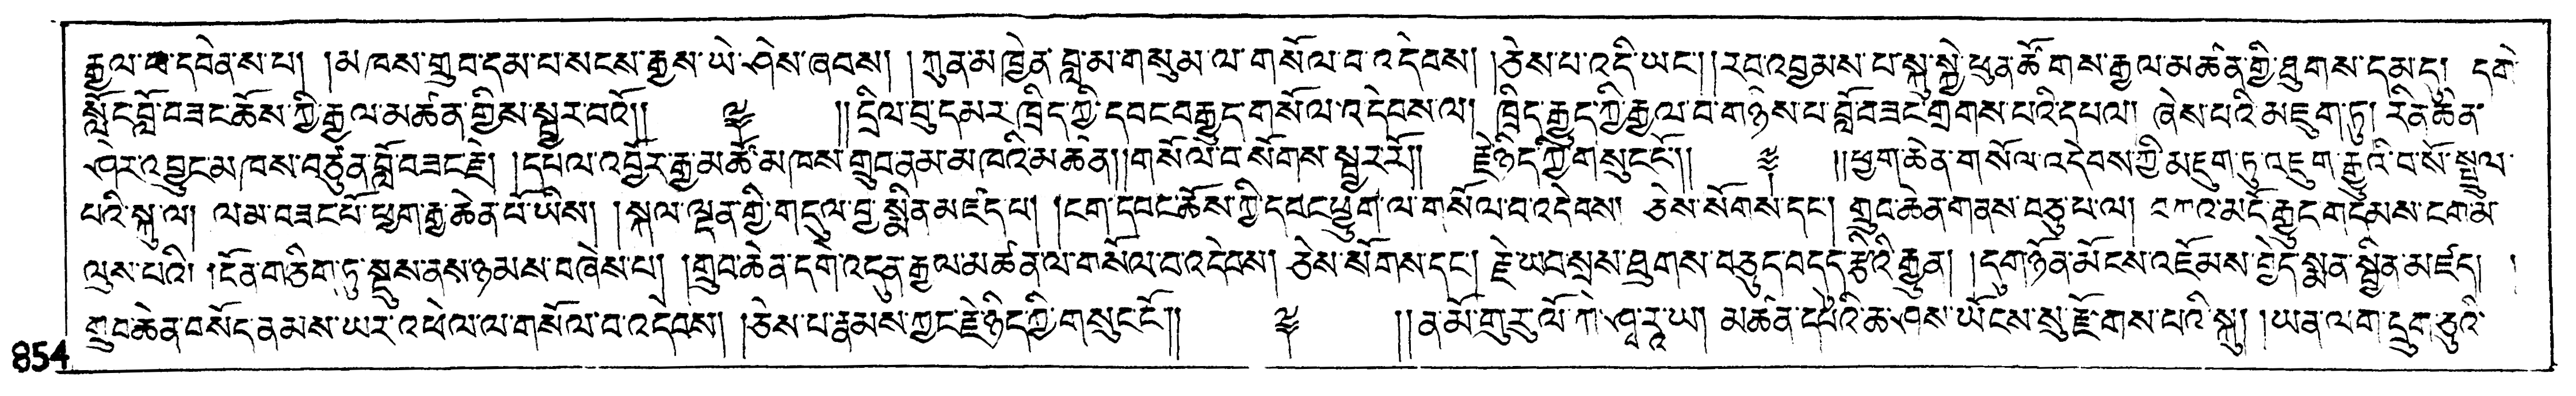རྒྱལ་བ་དབེན་ས་པ། །མཁས་གྲུབ་དམ་པ་སངས་རྒྱས་ཡེ་ཤེས་ཞབས། །ཀུན་མཁྱེན་བླ་མ་གསུམ་ལ་གསོལ་བ་འདེབས། །ཅེས་པ་འདི་ཡང་། །རབ་འབྱམས་པ་སྐུ་སྐྱེ་ཕུན་ཚོགས་རྒྱལ་མཚན་གྱི་ཐུགས་དམ་དུ། དགེ་
སློང་བློ་བཟང་ཆོས་ཀྱི་རྒྱལ་མཚན་གྱིས་སྦྱར་བའོ།། ༈ །།དྲིལ་བུ་དམར་ཁྲིད་ཀྱི་དབང་བརྒྱུད་གསོལ་འདེབས་ལ། ཁྲིད་རྒྱུད་ཀྱི་རྒྱལ་བ་གཉིས་པ་བློ་བཟང་གྲགས་པའི་དཔལ། ཞེས་པའི་མཇུག་ཏུ། རིན་ཆེན་
ཤེར་འབྱུང་མཁས་བཙུན་བློ་བཟང་རྗེ། །དཔལ་འབྱོར་རྒྱ་མཚོ་མཁས་གྲུབ་ནམ་མཁའི་མཚན། །གསོལ་བ་སོགས་སྦྱར་རོ། །རྗེ་ཉིད་ཀྱི་གསུང་ངོ།། ༈ །།ཕྱག་ཆེན་གསོལ་འདེབས་ཀྱི་མཇུག་ཏུ་འཇུག་རྒྱུའི་བ་སོ་སྤྲུལ་
པའི་སྐུ་ལ། ལམ་བཟང་པོ་ཕྱག་རྒྱ་ཆེན་པོ་ཡིས། །སྐལ་ལྡན་གྱི་གདུལ་བྱ་སྨིན་མཛད་པ། །ངག་དབང་ཆོས་ཀྱི་དབང་ཕྱུག་ལ་གསོལ་བ་འདེབས། ཅེས་སོགས་དང་། གྲུབ་ཆེན་གནས་བཅུ་པ་ལ། བཀའ་མདོ་རྒྱུད་གདམས་ངག་མ་
ལུས་པའི། །དོན་གཅིག་ཏུ་སྡུས་ནས་ཉམས་བཞེས་པ། །གྲུབ་ཆེན་དགེ་འདུན་རྒྱལ་མཚན་ལ་གསོལ་བ་འདེབས། ཅེས་སོགས་དང་། རྗེ་ཡབ་སྲས་ཐུགས་བཅུད་བདུད་རྩིའི་རྒྱུན། །དུག་ཉོན་མོངས་འཇོམས་བྱེད་སྨན་སྦྱིན་མཛད། །
གྲུབ་ཆེན་བསོད་ནམས་ཡར་འཕེལ་ལ་གསོལ་བ་འདེབས། །ཅེས་པ་རྣམས་ཀྱང་རྗེ་ཉིད་ཀྱི་གསུང་ངོ།། ༈ །།ན་མོ་གུ་རུ་ལོ་ཀེ་ཤྭ་རཱ་ཡ། མཚན་དཔའི་ཆ་ཤས་ཡོངས་སུ་རྫོགས་པའི་སྐུ། །ཡན་ལག་དྲུག་ཅུའི་